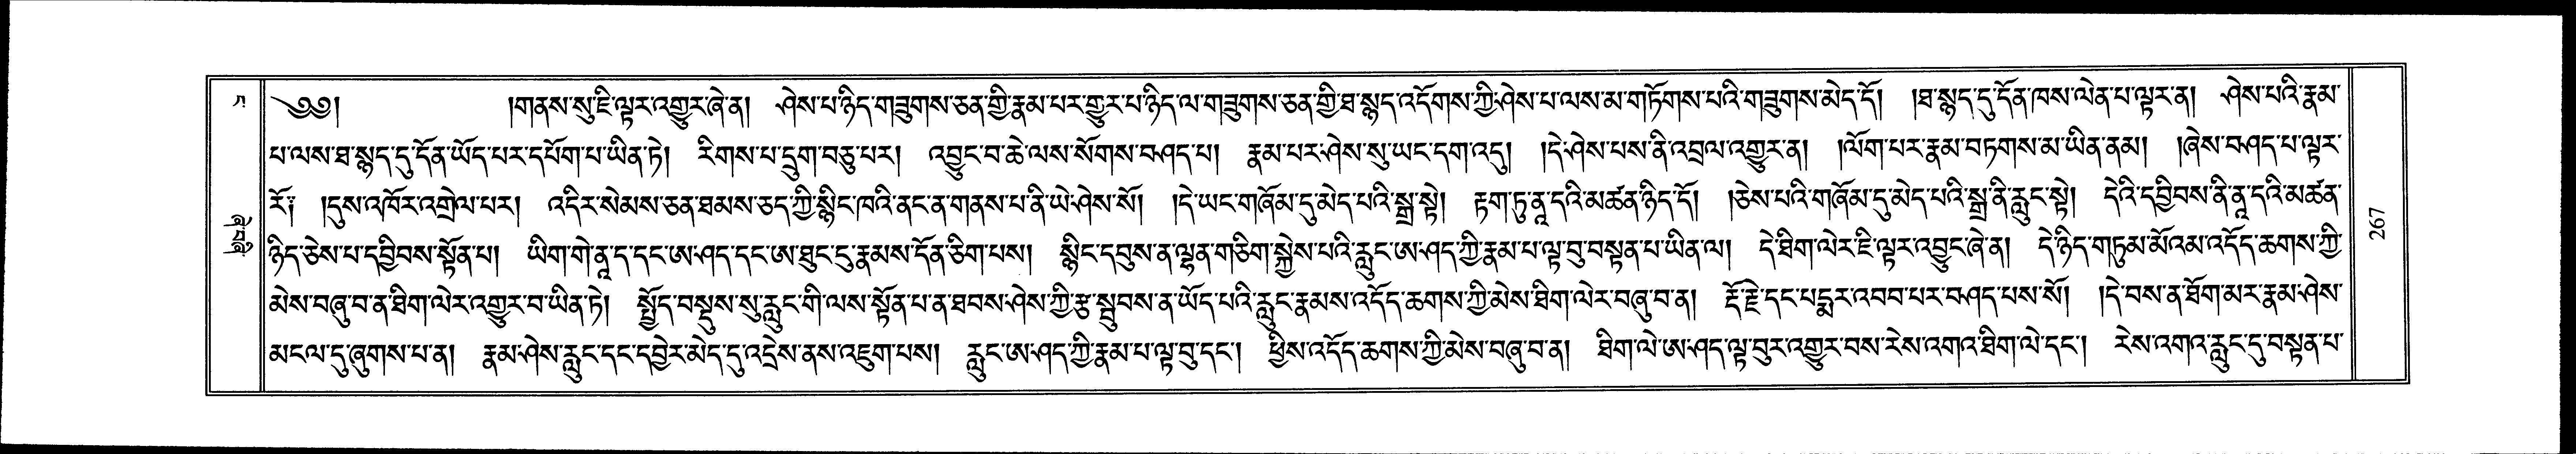༄༅། །གནས་སུ་ཇི་ལྟར་འགྱུར་ཞེ་ན། ཤེས་པ་ཉིད་གཟུགས་ཅན་གྱི་རྣམ་པར་གྱུར་པ་ཉིད་ལ་གཟུགས་ཅན་གྱི་ཐ་སྙད་འདོགས་ཀྱི་ཤེས་པ་ལས་མ་གཏོགས་པའི་གཟུགས་མེད་དོ། །ཐ་སྙད་དུ་དོན་ཁས་ལེན་པ་ལྟར་ན། ཤེས་པའི་རྣམ་
པ་ལས་ཐ་སྙད་དུ་དོན་ཡོད་པར་དཔོག་པ་ཡིན་ཏེ། རིགས་པ་དྲུག་བཅུ་པར། འབྱུང་བ་ཆེ་ལས་སོགས་བཤད་པ། རྣམ་པར་ཤེས་སུ་ཡང་དག་འདུ། །དེ་ཤེས་པས་ནི་འབྲལ་འགྱུར་ན། །ལོག་པར་རྣམ་བཏགས་མ་ཡིན་ནམ། །ཞེས་བཤད་པ་ལྟར་
རོ། །དུས་འཁོར་འགྲེལ་པར། འདིར་སེམས་ཅན་ཐམས་ཅད་ཀྱི་སྙིང་ཁའི་ནང་ན་གནས་པ་ནི་ཡེ་ཤེས་སོ། །དེ་ཡང་གཞོམ་དུ་མེད་པའི་སྒྲ་སྟེ། རྟག་ཏུ་ནཱ་དའི་མཚན་ཉིད་དོ། །ཅེས་པའི་གཞོམ་དུ་མེད་པའི་སྒྲ་ནི་རླུང་སྟེ། དེའི་དབྱིབས་ནི་ནཱ་དའི་མཚན་
ཉིད་ཅེས་པ་དབྱིབས་སྟོན་པ། ཡིག་གེ་ནཱ་ད་དང་ཨ་ཤད་དང་ཨ་ཐུང་ངུ་རྣམས་དོན་ཅིག་པས། སྙིང་དབུས་ན་ལྷན་གཅིག་སྐྱེས་པའི་རླུང་ཨ་ཤད་ཀྱི་རྣམ་པ་ལྟ་བུ་བསྟན་པ་ཡིན་ལ། དེ་ཐིག་ལེར་ཇི་ལྟར་འབྱུང་ཞེ་ན། དེ་ཉིད་གཏུམ་མོའམ་འདོད་ཆགས་ཀྱི་
མེས་བཞུ་བ་ན་ཐིག་ལེར་འགྱུར་བ་ཡིན་ཏེ། སྤྱོད་བསྡུས་སུ་རླུང་གི་ལས་སྟོན་པ་ན་ཐབས་ཤེས་ཀྱི་རྩ་སྦུབས་ན་ཡོད་པའི་རླུང་རྣམས་འདོད་ཆགས་ཀྱི་མེས་ཐིག་ལེར་བཞུ་བ་ན། རྡོ་རྗེ་དང་པདམར་འབབ་པར་བཤད་པས་སོ། །དེ་བས་ན་ཐོག་མར་རྣམ་ཤེས་
མངལ་དུ་ཞུགས་པ་ན། རྣམ་ཤེས་རླུང་དང་དབྱེར་མེད་དུ་འདྲེས་ནས་འཇུག་པས། རླུང་ཨ་ཤད་ཀྱི་རྣམ་པ་ལྟ་བུ་དང་། ཕྱིས་འདོད་ཆགས་ཀྱི་མེས་བཞུ་བ་ན། ཐིག་ལེ་ཨ་ཤད་ལྟ་བུར་འགྱུར་བས་རེས་འགའ་ཐིག་ལེ་དང་། རེས་འགའ་རླུང་དུ་བསྟན་པ་